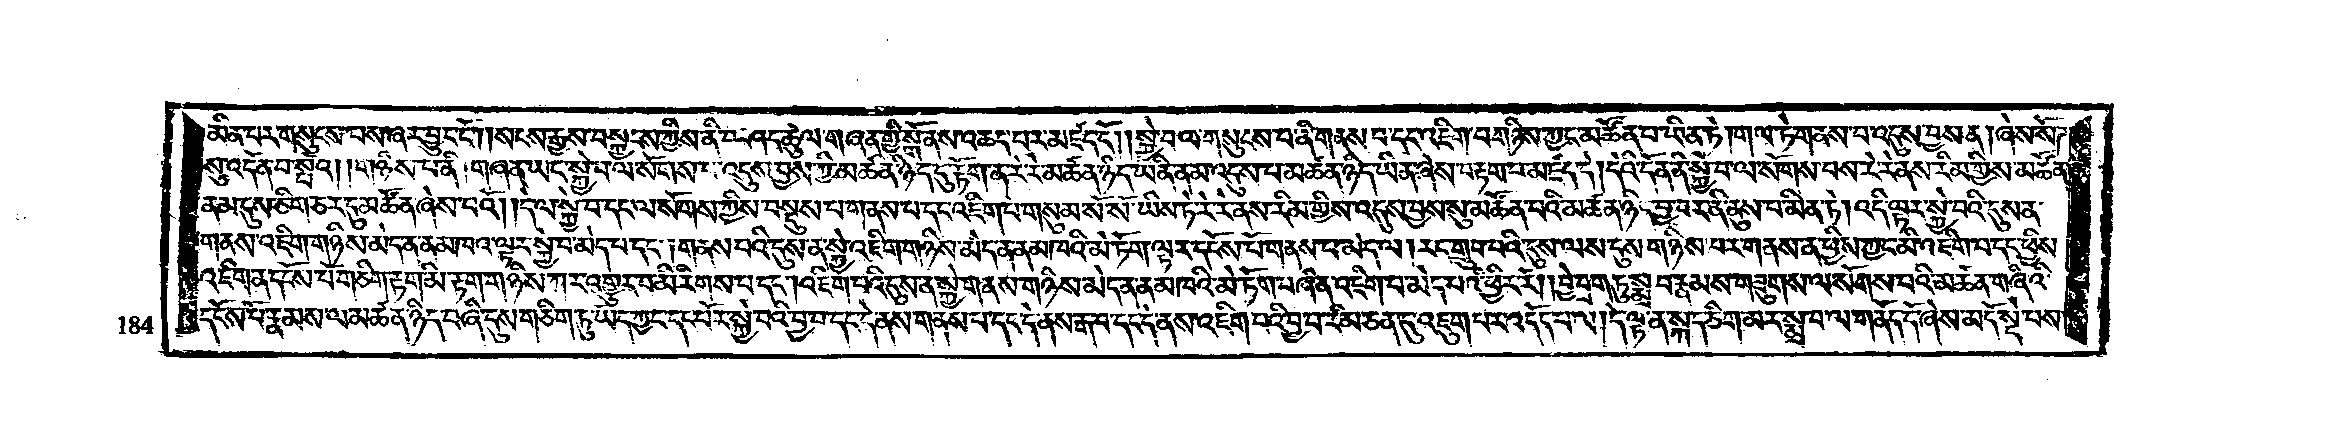མིན་པར་གསུངས་པས་ཞར་བྱུང་ངོ། །སངས་རྒྱས་བསྐྱངས་ཀྱིས་ནི་བཤད་ཚུལ་གཞན་གྱི་སྒོ་ནས་འཆད་པར་མཇད་དོ། །སྐྱེ་བ་ལ་གསུངས་པ་ནི་གནས་པ་དང་འཇིག་པ་གཉིས་ཀྱང་མཚོན་པ་ཡིན་ཏེ། གལ་ཏེ་གནས་པ་འདུས་བྱས་ན། ཞེས་སོཌ་
སུ་འདོན་པ་སྤའོ། །གཉིས་པ་ནི། གཞན་ཡང་སྐྱེ་བ་ལ་སོགས་པ་འདུས་བྱས་ཀྱི་མཚན་ཉིད་དུ་རྟོག་ན་རེ་རེ་མཚན་ཉིད་ཡིན་ནམ་འདུས་པ་མཚན་ཉིད་ཡིན་ཞེས་བརྟག་པ་མཛད་དེ། དེའི་དོན་ནི་སྐྱེ་བ་ལ་སོགས་པས་རེ་རེ་ནས་རིམ་གྱིས་མཚོན་
ནམ་དུས་ཅིག་ཅར་དུ་མཚོན་ཞེས་པའོ། །དེ་ལ་སྐྱེ་བ་དང་ལ་སོགས་ཀྱིས་བསྡུས་པ་གནས་པ་དང་འཇིག་པ་གསུམ་སོ་སོ་ཡིས་ཏེ་རེ་རེ་ནས་རིམ་གྱིས་འདུས་བྱེས་སུ་མཚོན་པའི་མཚན་ཉིད་བྱ་བར་ནི་ནུས་པ་མིན་ཏེ། འདི་ལྟར་སྐྱེ་བའི་དུས་ན་
གནས་འཇིག་གཉིས་མེད་ན་ནམྨྑའ་ལྟར་སྐྱེ་བ་མེད་པ་དང་། གནས་པའི་དུས་ན་སྐྱེ་འཇིག་གཉིས་མེད་ན་ནམྨྑའི་མེ་ཏོག་ལྟར་དངོས་པོ་གནས་པ་མེད་ལ། རང་གྲུབ་པའི་དུས་ལས་དུས་གཉིས་པར་གནས་ན་ཕྱིས་ཀྱང་མི་འཇིག་པ་དང་ཕྱིས་
འཇིག་ན་དངོས་པོ་གཅིག་རྟག་མི་རྟག་གཉིས་ཀར་འགྱུར་པ་མི་རིགས་པ་དང་། འཇིག་པའི་དུས་ན་སྐྱེ་གནས་གཉིས་མེད་ན་ན་མཁའི་མེ་ཏོག་པ་བཞིན་འཇེག་པ་མེད་པའི་ཕྱིར་རོ། །བྱེ་བྲག་ཏུ་སྨྲ་པ་རྣམས་གཟུགས་ལ་སོགས་པའི་མཚན་གཞིའི་
དངོས་པོ་རྣམས་ལ་མཆན་ཉིད་བཞི་དུས་གཅིག་ཏུ་ཡོད་ཀྱང་དང་པོར་སྐྱེ་བའི་བྱ་བ་དང་དེ་ནས་གནས་པ་དང་དེ་ནས་རྒ་བ་དང་དེ་ནས་འཇིག་པའི་བྱ་བ་རིམ་ཅན་དུ་འཇུག་པར་འདོད་པ་ལ། དེ་ལྟ་ན་སྐད་ཅིག་མར་སྨྲ་བ་ལ་གནོད་དོ་ཞེས་མདོ་སྡེ་པས་